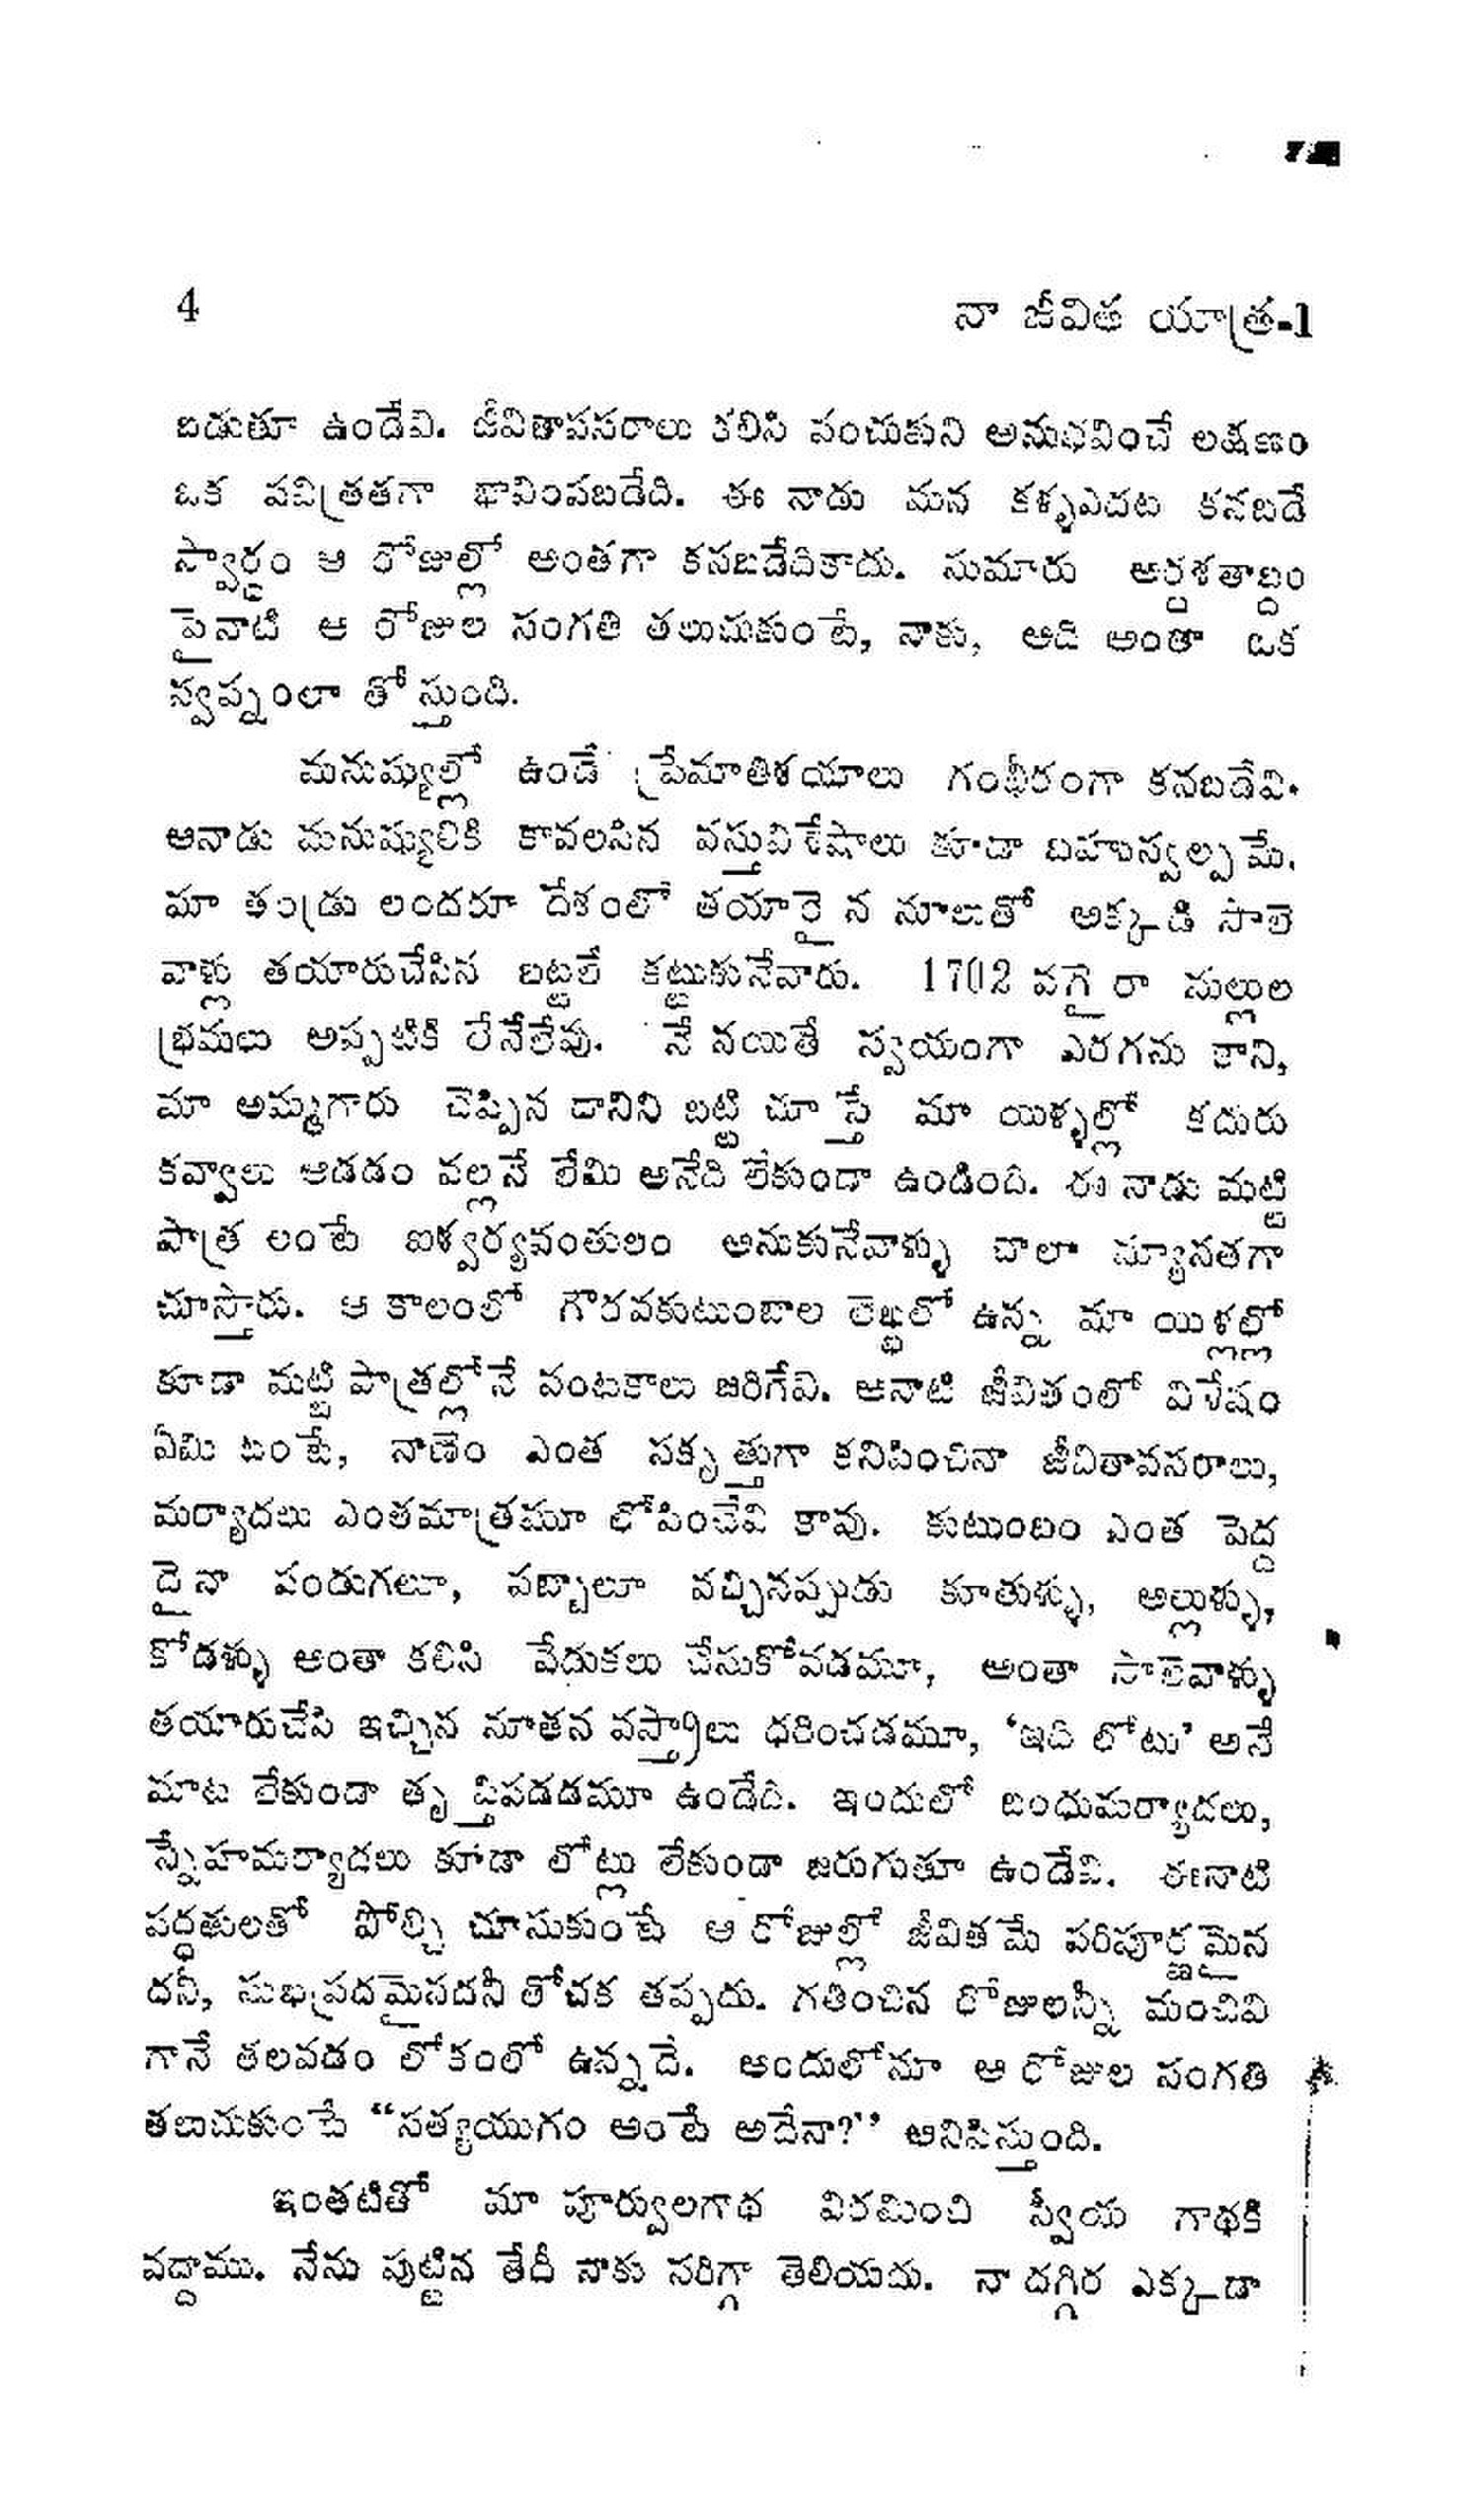బడుతూ ఉండేవి. జీవితావసరాలు కలిసి పంచుకుని అనుభవించే లక్షణం ఒక పవిత్రతగా భావింపబడేది. ఈనాడు మన కళ్ళఎదట కనబడే స్వార్థం ఆ రోజుల్లో అంతగా కనబడేది కాదు. సుమారు అర్ధశతాబ్దం పైనాటి ఆ రోజుల సంగతి తలుచుకుంటే, నాకు, అది అంతా ఒక స్వప్నంలో తోస్తుంది.

మనుష్యుల్లో ఉండే ప్రేమాతిశయాలు గంభీరంగా కనపడేవి. ఆనాడు మనుష్యులికి కావలసిన వస్తువిశేషాలు కూడా బహు స్వల్పమే. మా తండ్రులందరూ దేశంలో తయారైన నూలులో అక్కడి సాలెవాళ్ళు తయారుచేసిన బట్టలే కట్టుకునే వారు. 1702 వగైరా మల్లుల భ్రమలు అప్పటికి లేనేలేవు. నే నయితే స్వయంగా ఎరగను కాని, మా అమ్మగారు చెప్పిన దానిని బట్టి చూస్తే మా యిళ్ళలో కదురు కవ్వాలు ఆడడం వల్లనే లేమి అనేది లేకుండా ఉండింది. ఈనాడు మట్టి పాత్రలంటే ఐశ్వర్యవంతులం అనుకునేవాళ్ళు న్యూనతగా చూస్తారు. ఆ కాలంలో గౌరవకుటుంబాల లెఖ్ఖలో ఉన్న మా యిళ్ళల్లో కూడా మట్టిపాత్రల్లోనే వంటకాలు జరిగేవి. ఆనాటి జీవితంలో విశేషం ఏమిటంటే, నాణెం ఎంత సకృత్తుగా కనిపించినా జీవితావసరాలు, మర్యాదలు ఎంతమాత్రం లోపించేవి కావు. కుటుంబం ఎంత పెద్దదైనా పండుగలు, పబ్బాలు వచ్చినపుడు కూతుళ్ళు, అల్లుళ్ళు, కోడళ్ళు అంతా కలిసి వేడుకలు చేసుకోవడమూ, అంతా సాలెవాళ్ళు తయారు చేసి యిచ్చిన నూతన వస్త్రాలు ధరించడమూ, 'ఇది లోటు' అనే మాట లేకుండా తృప్తిపడడమూ ఉండేది. ఇందలో బంధుమర్యాదలూ, స్నేహ మర్యాదలు కూడా లోట్లు లేకుండా జరుగుతూ ఉండేవి. ఈనాటి పద్ధతులతో పోల్చి చూసుకుంటే ఆ రోజుల్లో జీవితమే పరిపూర్ణమైనదనీ, సుఖప్రజమైనదనీ తోచక తప్పదు. గతించిన రోజులన్నీ మంచివిగానే తలవడం లోకంలో ఉన్నదే. అందులోనూ ఆ రోజుల సంగతి తలుచుకుంటే "సత్యయుగం అంటే అదేనా?" అనిపిస్తుంది.

ఇంతటితో మా పూర్వులగాథ విరమించి స్వీయ గాథకి వద్దాము. నేను పుట్టిన తేదీ నాకు సరిగ్గా తెలియదు. నా దగ్గిర ఎక్కడా